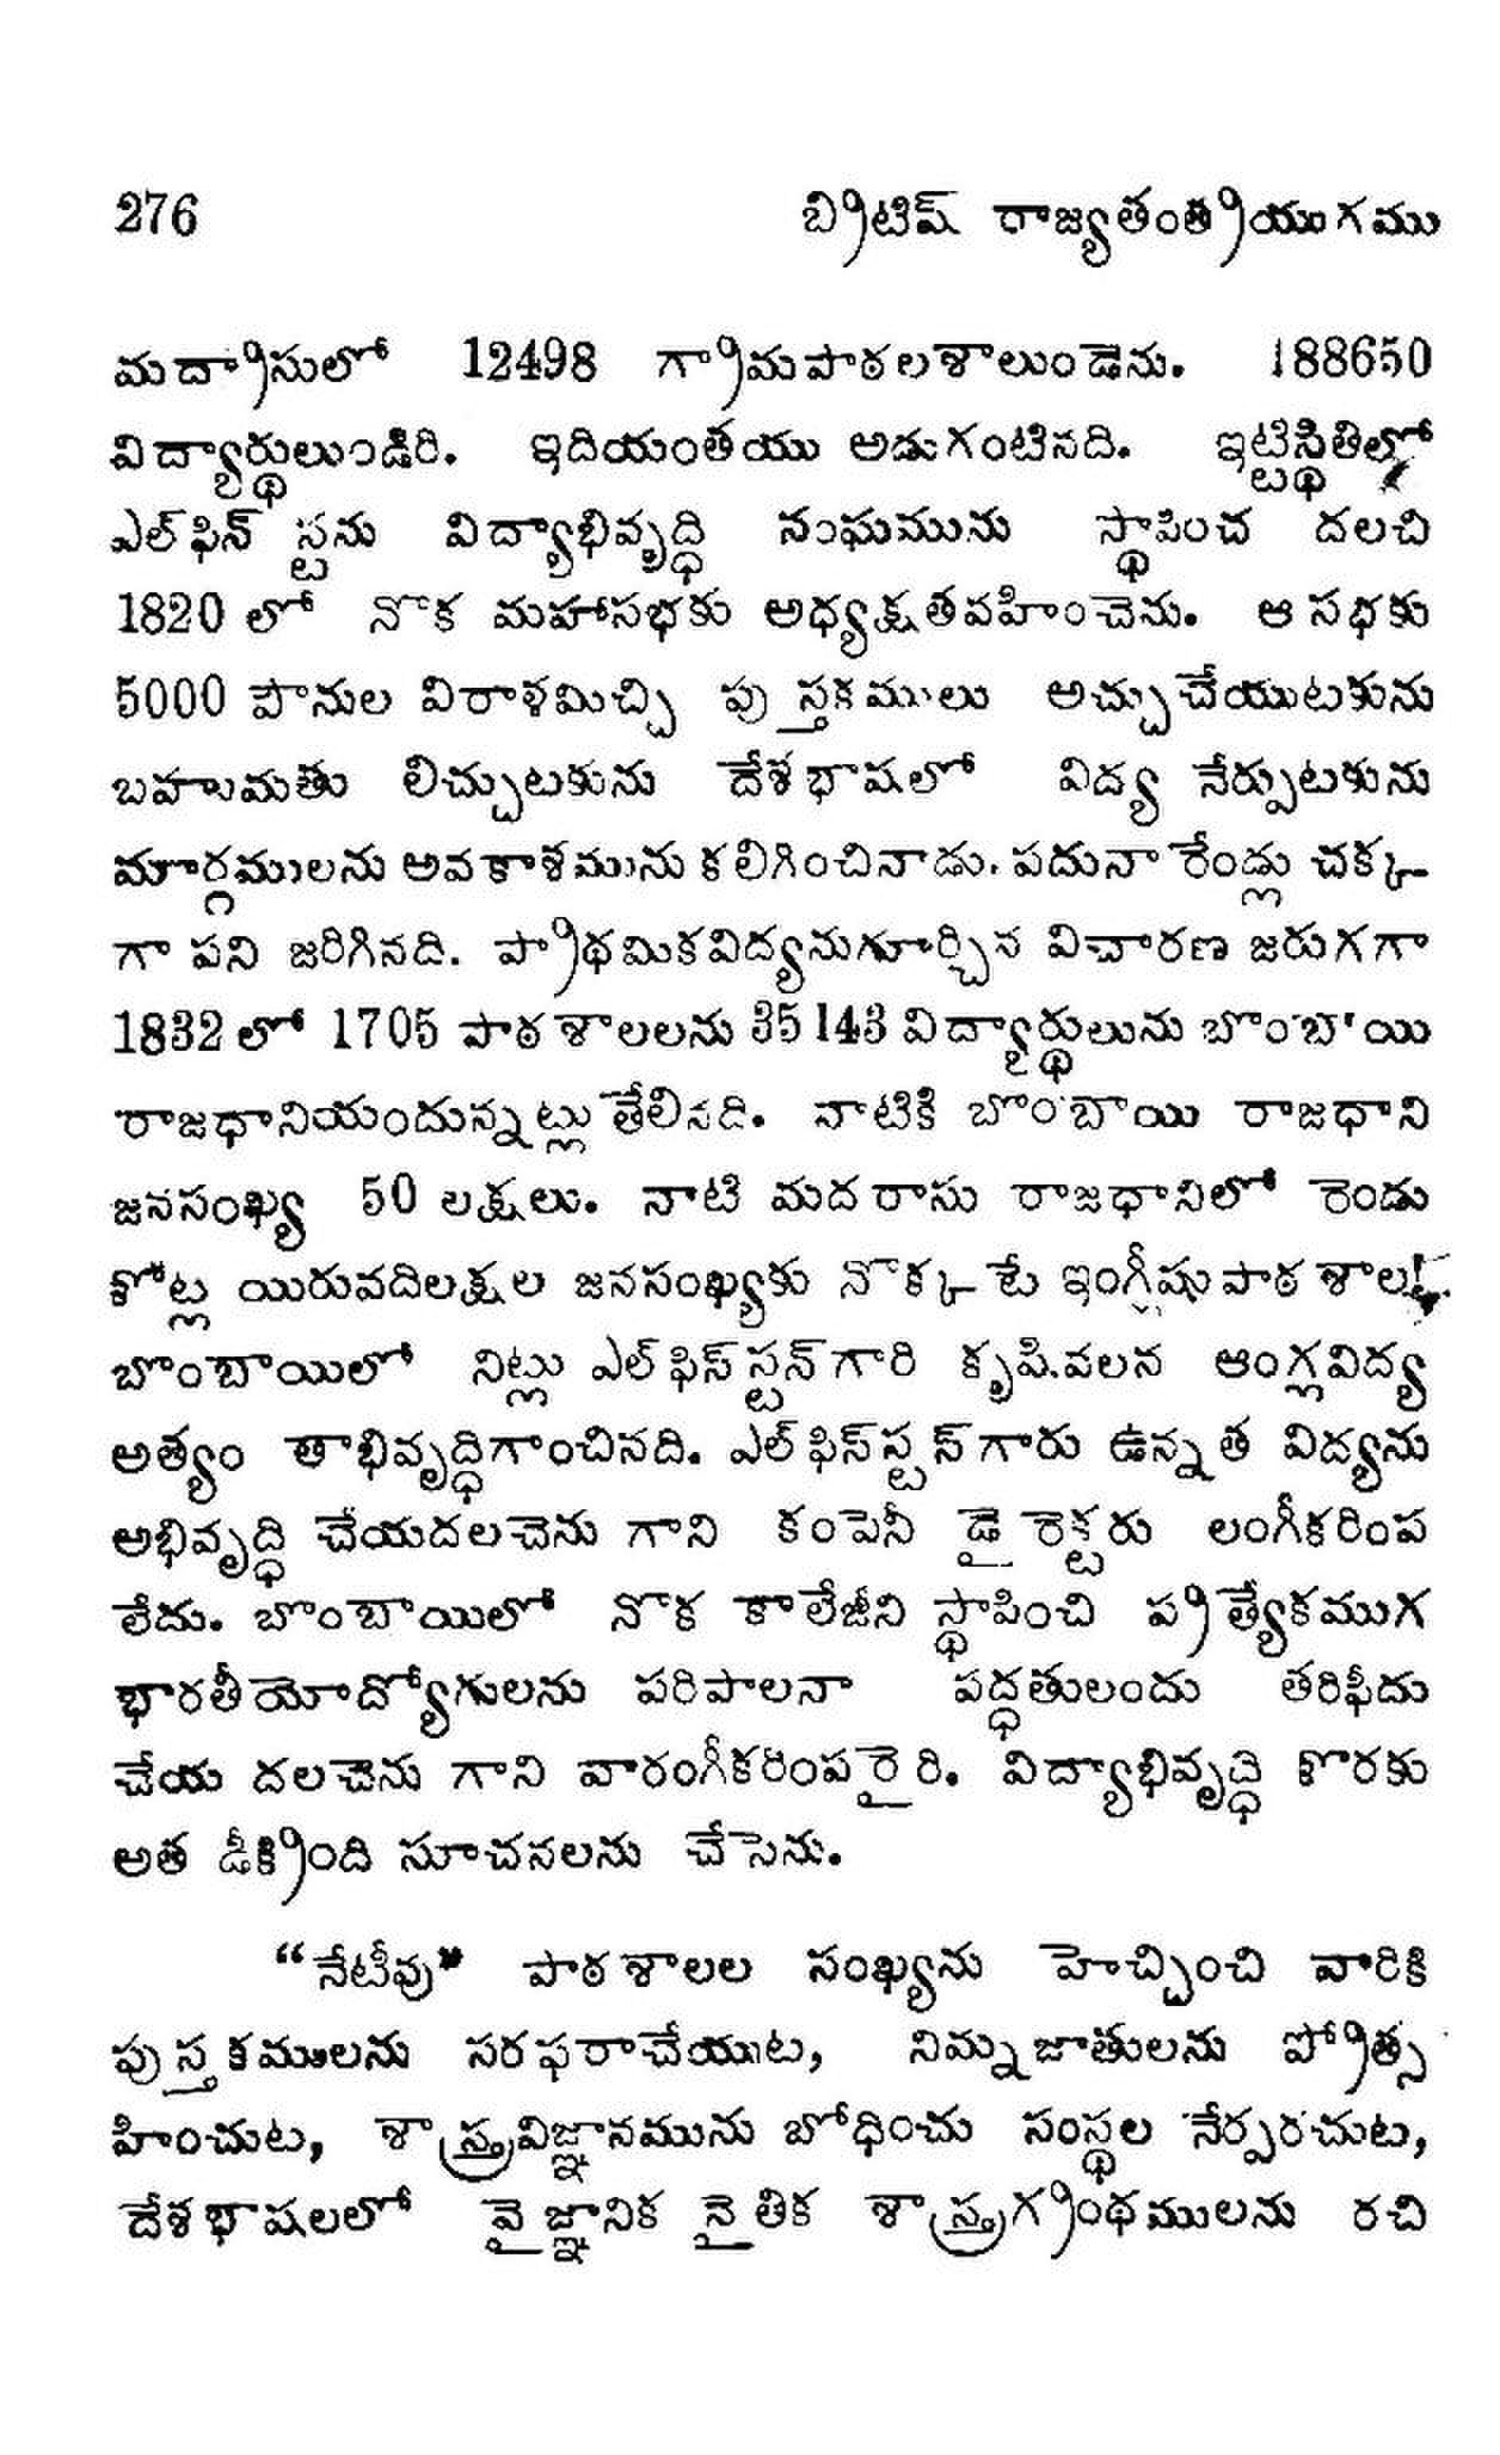మద్రాసులో 12498 గ్రామపాఠశాలలుండెను. 188650 విద్యార్థులుండిరి. ఇదియంతయు అడుగంటినది. ఇట్టిస్థితిలో ఎల్ ఫిన్ స్టను విద్యాభివృద్ధి సంఘమును స్థాపించ దలచి 1820 లో నొక మహాసభకు అధ్యక్షతవహించెను. ఆ సభకు 5000 పౌనుల విరాళమిచ్చి పుస్తకములు అచ్చు చేయుటకును బహుమతు లిచ్చుటకును దేశభాషలో విద్య నేర్పుటకును మార్గములను అవకాశమును కలిగించినాడు. పదునారేండ్లు చక్కగా పని జరిగినది. ప్రాథమిక విద్యనుగూర్చిన విచారణ జరుగగా 1832 లో 1705 పాఠశాలలను 35143 విద్యార్థులును బొంబాయి రాజధానియందున్నట్లు తేలినది. నాటికి బొంబాయి రాజధాని జనసంఖ్య 50 లక్షలు. నాటి మదరాసు రాజధానిలో రెండు కోట్ల యిరువదిలక్షల జనసంఖ్యకు నొక్కటే ఇంగ్లీషు పాఠశాల! బొంబాయిలో నిట్లు ఎల్ ఫిస్ స్టన్ గారి కృషివలన ఆంగ్లవిద్య అత్యం తాభివృద్ధిగాంచినది. ఎల్ ఫిస్ స్టస్ గారు ఉన్నత విద్యను అభివృద్ధి చేయదలచెను గాని కంపెనీ డైరెక్టరు లంగీకరింపలేదు. బొంబాయిలో నొక కాలేజీని స్థాపించి ప్రత్యేకముగ భారతీయోద్యోగులను పరిపాలనా పద్దతులందు తరిఫీదుచేయ దలచెను గాని వారంగీకరింపరైరి. విద్యాభివృద్ధి కొరకు అత డీక్రింది సూచనలను చేసెను.

"నేటివు" పాఠశాలల సంఖ్యను హెచ్చించి వారికి పుస్తకములను సరఫరాచేయుట, నిమ్నజాతులను ప్రోత్సహించుట, శాస్త్రవిజ్ఞానమును బోధించు సంస్థల నేర్పరచుట, దేశభాషలలో వైజ్ఞానిక నైతిక శాస్త్రగ్రంథములను రచి